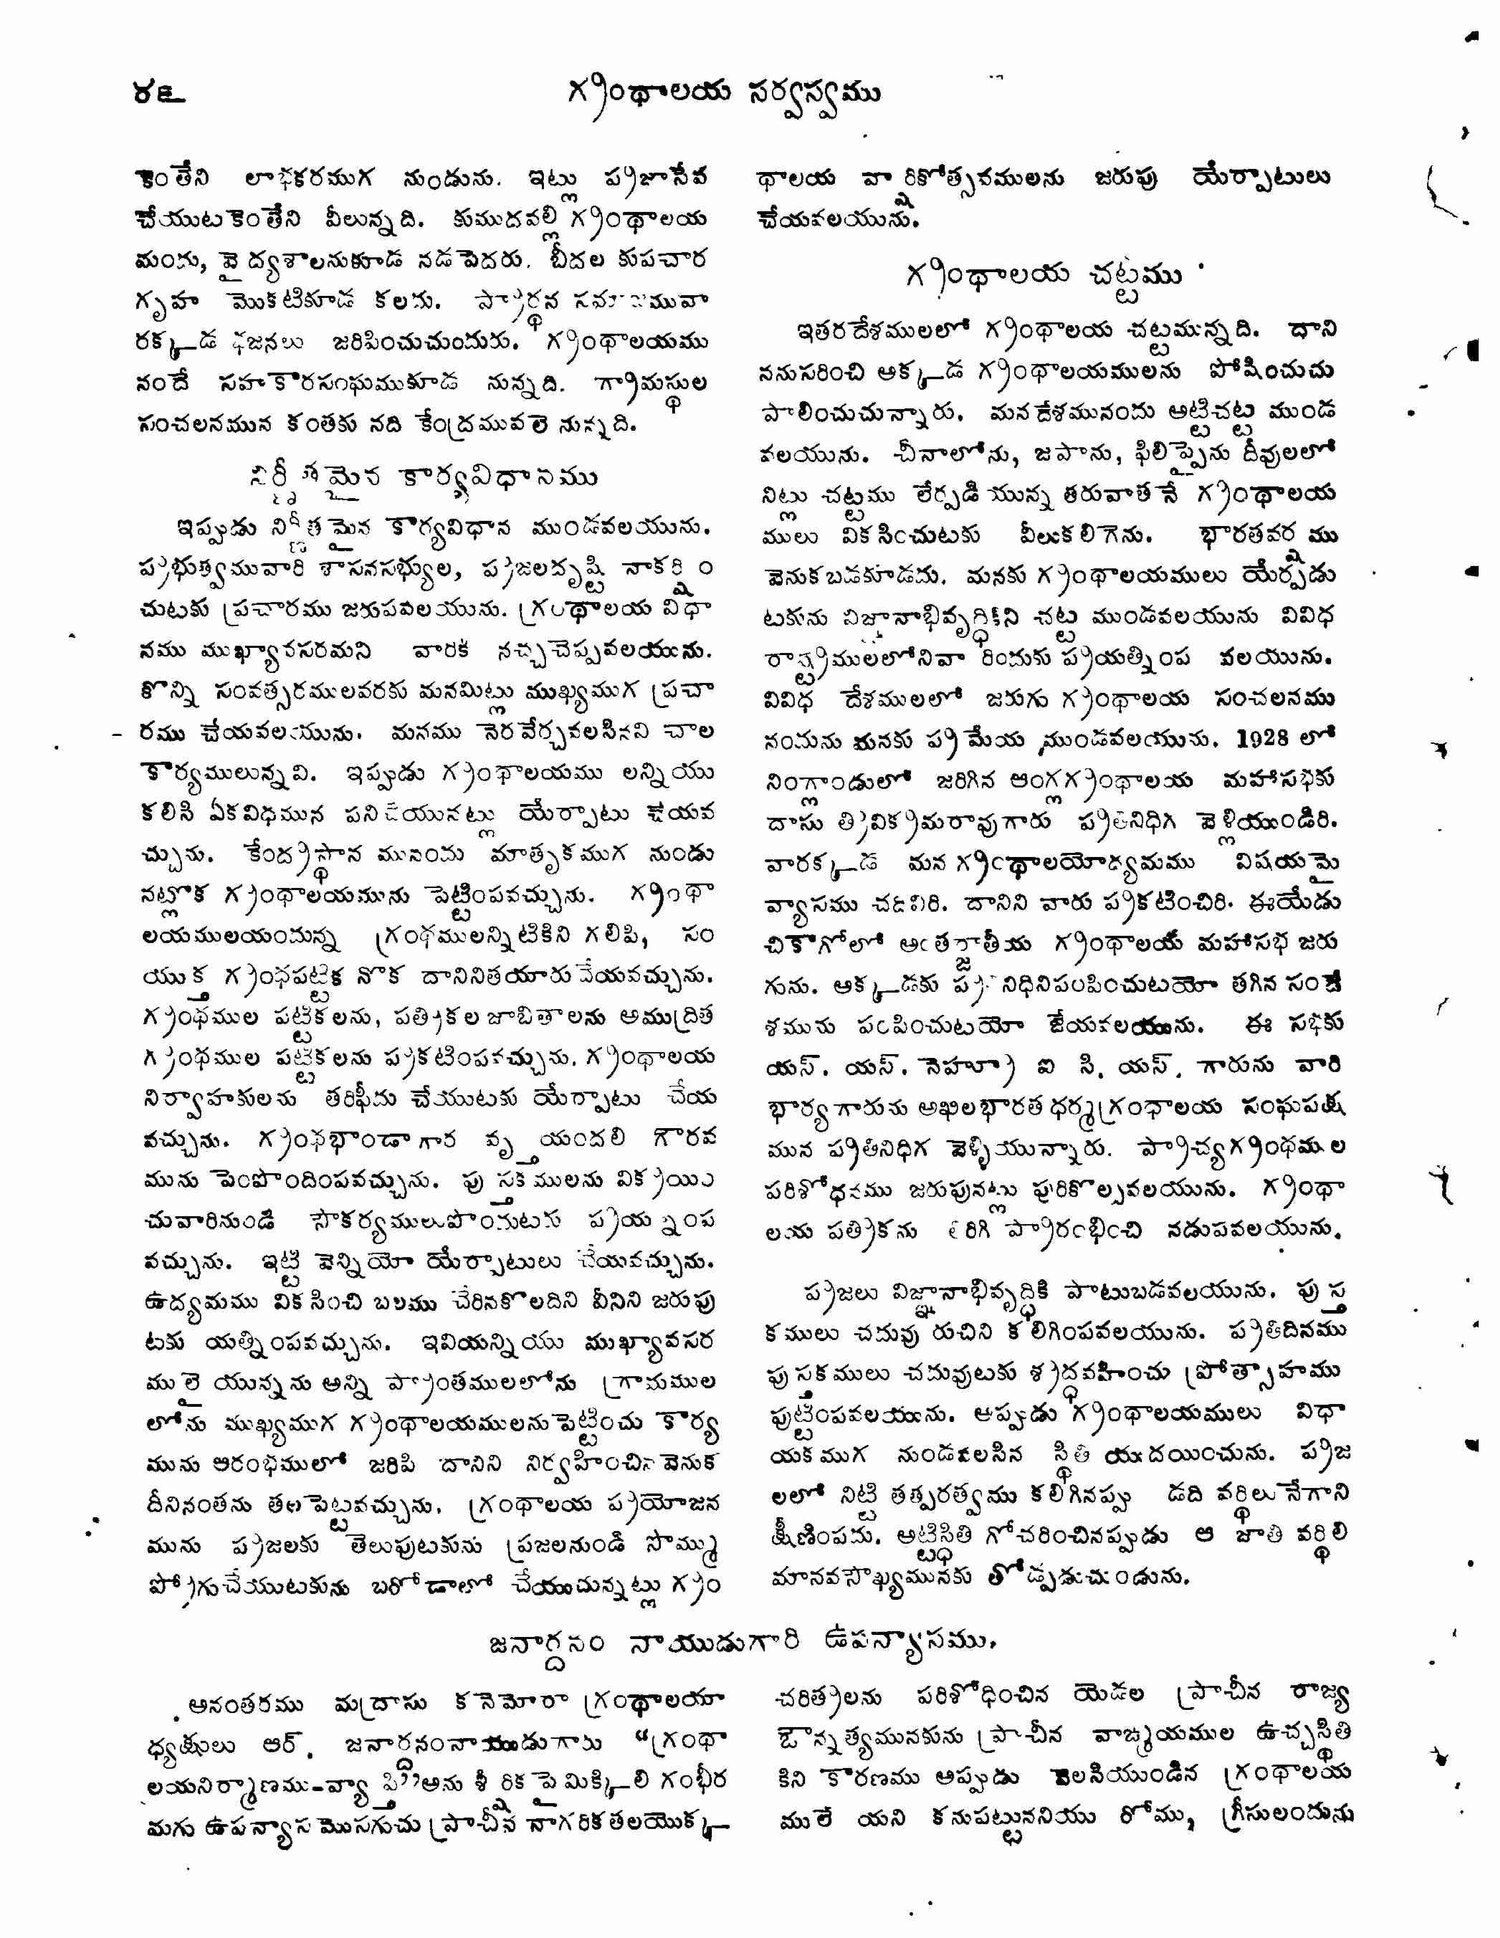కెంతేని లాభకరముగ నుండును. ఇట్లు ప్రజాసేవ చేయుట కెంతేని వీలున్నది. కుముదవల్లి గ్రంథాలయ మందు, వైద్యశాలనుకూడ నడపెదరు. బీదల కుపచార గృహ మొకటికూడ కలను ప్రార్థన సమాజము వారక్కడ ఫజనలు జరిపించుచుందురు. గ్రంథాలయము
నందే సహకార సంఘముకూడ నున్నది. గ్రామస్థుల సంచలనమున కంతకు నది కేంద్రమువలె నున్నది.

ఇప్పుడు నిర్ణీతమైన కార్యవిధాన ముండవలయును. ప్రభుత్వము వారి శాసనసభ్యుల, ప్రజల దృష్టి నాకర్షించుటకు ప్రచారము జరుపవలయును. గ్రంథాలయ విధానము ముఖ్యావసరమని వారికి నచ్చచెప్పవలయును. కొన్ని సంవత్సరములవరకు మనమిట్లు ముఖ్యముగ ప్రచారము చేయవలయును. మనము నెరవేర్చవలసినని చాల కార్యములున్నవి. ఇప్పుడు గ్రంథాలయములన్నియు
కలిని ఏక విధమున పనిచేయునటు యేర్పాటు చేయవచ్చును. కేంద్రస్థానము నందు మాతృకముగ నుండు నట్లొక గ్రంధాలయమును పెట్టింపవచ్చును. గ్రంథాలయములయందున్న గ్రంథములన్నిటికిని గలిపి, సంయుక్త గ్రంధపట్టిక నొక దానినితయారు చేయవచ్చును.
గ్రంథముల పట్టికలను, పత్రికల జాబితాలను అముద్రిత గ్రంధముల పట్టికలను ప్రకటింపవచ్చును. గ్రంథాలయ నిర్వాహకులను తరిఖీదు చేయుటకు యేర్పాటు చేయవచ్చును. గ్రంథ భాండాగార వృతి యందలి గౌరవమును పెంపొందింపవచ్చును. పుస్తకములను విక్రయించువారినుండి సౌకర్యములు పొందుటకు ప్రయత్నింప వచ్చును. ఇట్టి వెన్ని యేర్పాటులు చేయవచ్చును. ఉద్యమము 
వికసించి బలము చేరిన కొలదిని వీనిని జరుపుటకు యత్నింపవచ్చును. ఇవియన్నియు ముఖ్యావసరములై యున్నను అన్ని ప్రాంతములలోను గ్రామములలోను ముఖ్యముగ గ్రంథాలయములను పెట్టించు కార్యమును ఆరంభములో జరిపి దానిని నిర్వహించిన వెనుక దీనినంతను తల పెట్టవచ్చును, గ్రంథాలయ ప్రయోజనమును ప్రజలకు తెలుపుటకును ప్రజలనుండి సొమ్ము ప్రోగు చేయుటకును బరోడాలో చేయుచున్నట్లు గ్రంథాలయ వార్షికోత్సవములను జరుపు యేర్పాటులు చేయవలయును.

 
ఇతర దేశములలో గ్రంథాలయ చట్టమున్నది. దానిననుసరించి అక్కడ గ్రంథాలయములను పోషించుచు పాలించుచున్నారు. మన దేశమునందు అట్టిచట్టముండ వలయును. చీనాలోను, జపాను, ఫిలిప్పైను దీవులలో నిట్టి చట్టము లేర్పడియున్న తరువాత నే గ్రంథాలయములు వికసించుటకు వీలుకలిగెను. భారతవవర్షము వెనుక బడకూడదు. మనకు గ్రంథాలయములు యేర్పడుటకును నిజ్ఞానాభివృద్ధికిని చట్ట ముండవలయును వివిధ రాష్ట్రములలో నివారించుకు ప్రయత్నింపవలయును. వివిధ దేశములలో జరుగు గ్రంథాలయ సంచలనము నందును మనకు ప్రమేయముండవలయును. 1928 లో నింగ్లాండులో జరిగిన ఆంగ్లగ్రంథాలయ మహాసభకు
దాసు త్రివిక్రమరావు గారు ప్రతినిధిగా వెళ్లియుండిరి. వారక్కడ మన గ్రంథాలయోద్యమము వ్యాసము చదివిరి. దానిని వారు ప్రకటించిరి. ఈయేడు చికాగోలో అంతర్జాతీయ గ్రంథాలయ మహాసభ జరుగును. ఆక్కడకు పతి నిధిని పంపించుటయో తగిన సందేశమును పంపించుటయో జేయవలయును. ఈ సభకు యస్. యస్. నెహ్రూ, ఐ సి. యస్. గారును వారి భార్య గారును అఖిలభారత ధర్మగ్రంథాలయ సంఘపక్షమున ప్రతినిధిగ వెళ్ళియున్నారు. ప్రాచ్య గ్రంధముల పరిశోధనము జరుపున్నటు పురికొల్పవలయును. 
గ్రంథాలయ పత్రికను తిరిగి ప్రారంభించి నడుపవలయును. 

ప్రజలు విజ్ఞానాభివృద్ధికి పాటుబడవలయును. పుస్తకములు చదువు రుచిని కలిగింపవలయును. ప్రతిదినము పుస్తకములు చదువుటకు శ్రద్ధవహించు ప్రోత్సాహము పుట్టింపవలయును. అప్పుడు గ్రంథాలయములు విధాయకముగ నుండవలసిన స్థితి యుదయించును. 
ప్రజలలో నీటి తత్పరత్వము కలిగినప్పు డది వర్ధిలునే గాని క్షీణింపదు. అటిస్థితి గోచరించినప్పుడు ఆ జాతి వర్ధిలి మానవసౌఖ్యమునకు తోడ్పడుచుండును.

అనంతరము మద్రాసు కనెమోరా గ్రంథాలయాధ్యక్షులు ఆర్ . జనార్దనం నాయుడుగారు “గ్రంథాలయ నిర్మాణము- వ్యాప్తి" అను 
శ్రీర్శిక పై మిక్కిలి గంభీరమగు ఉపన్యాసమొసగుచు ప్రాచీన నాగరికతలయొక్క చరిత్రలను పరిశోధించిన యెడల ప్రాచీన రాజ్య
ఔన్నత్యమునకును ప్రాచీన వాఙ్మయముల ఉచ్చస్థితికిని కారణము అప్పుడు వెలసియుండిన గ్రంథాలయములే యని కనుపట్టుననియు రోము, గ్రీసులందును